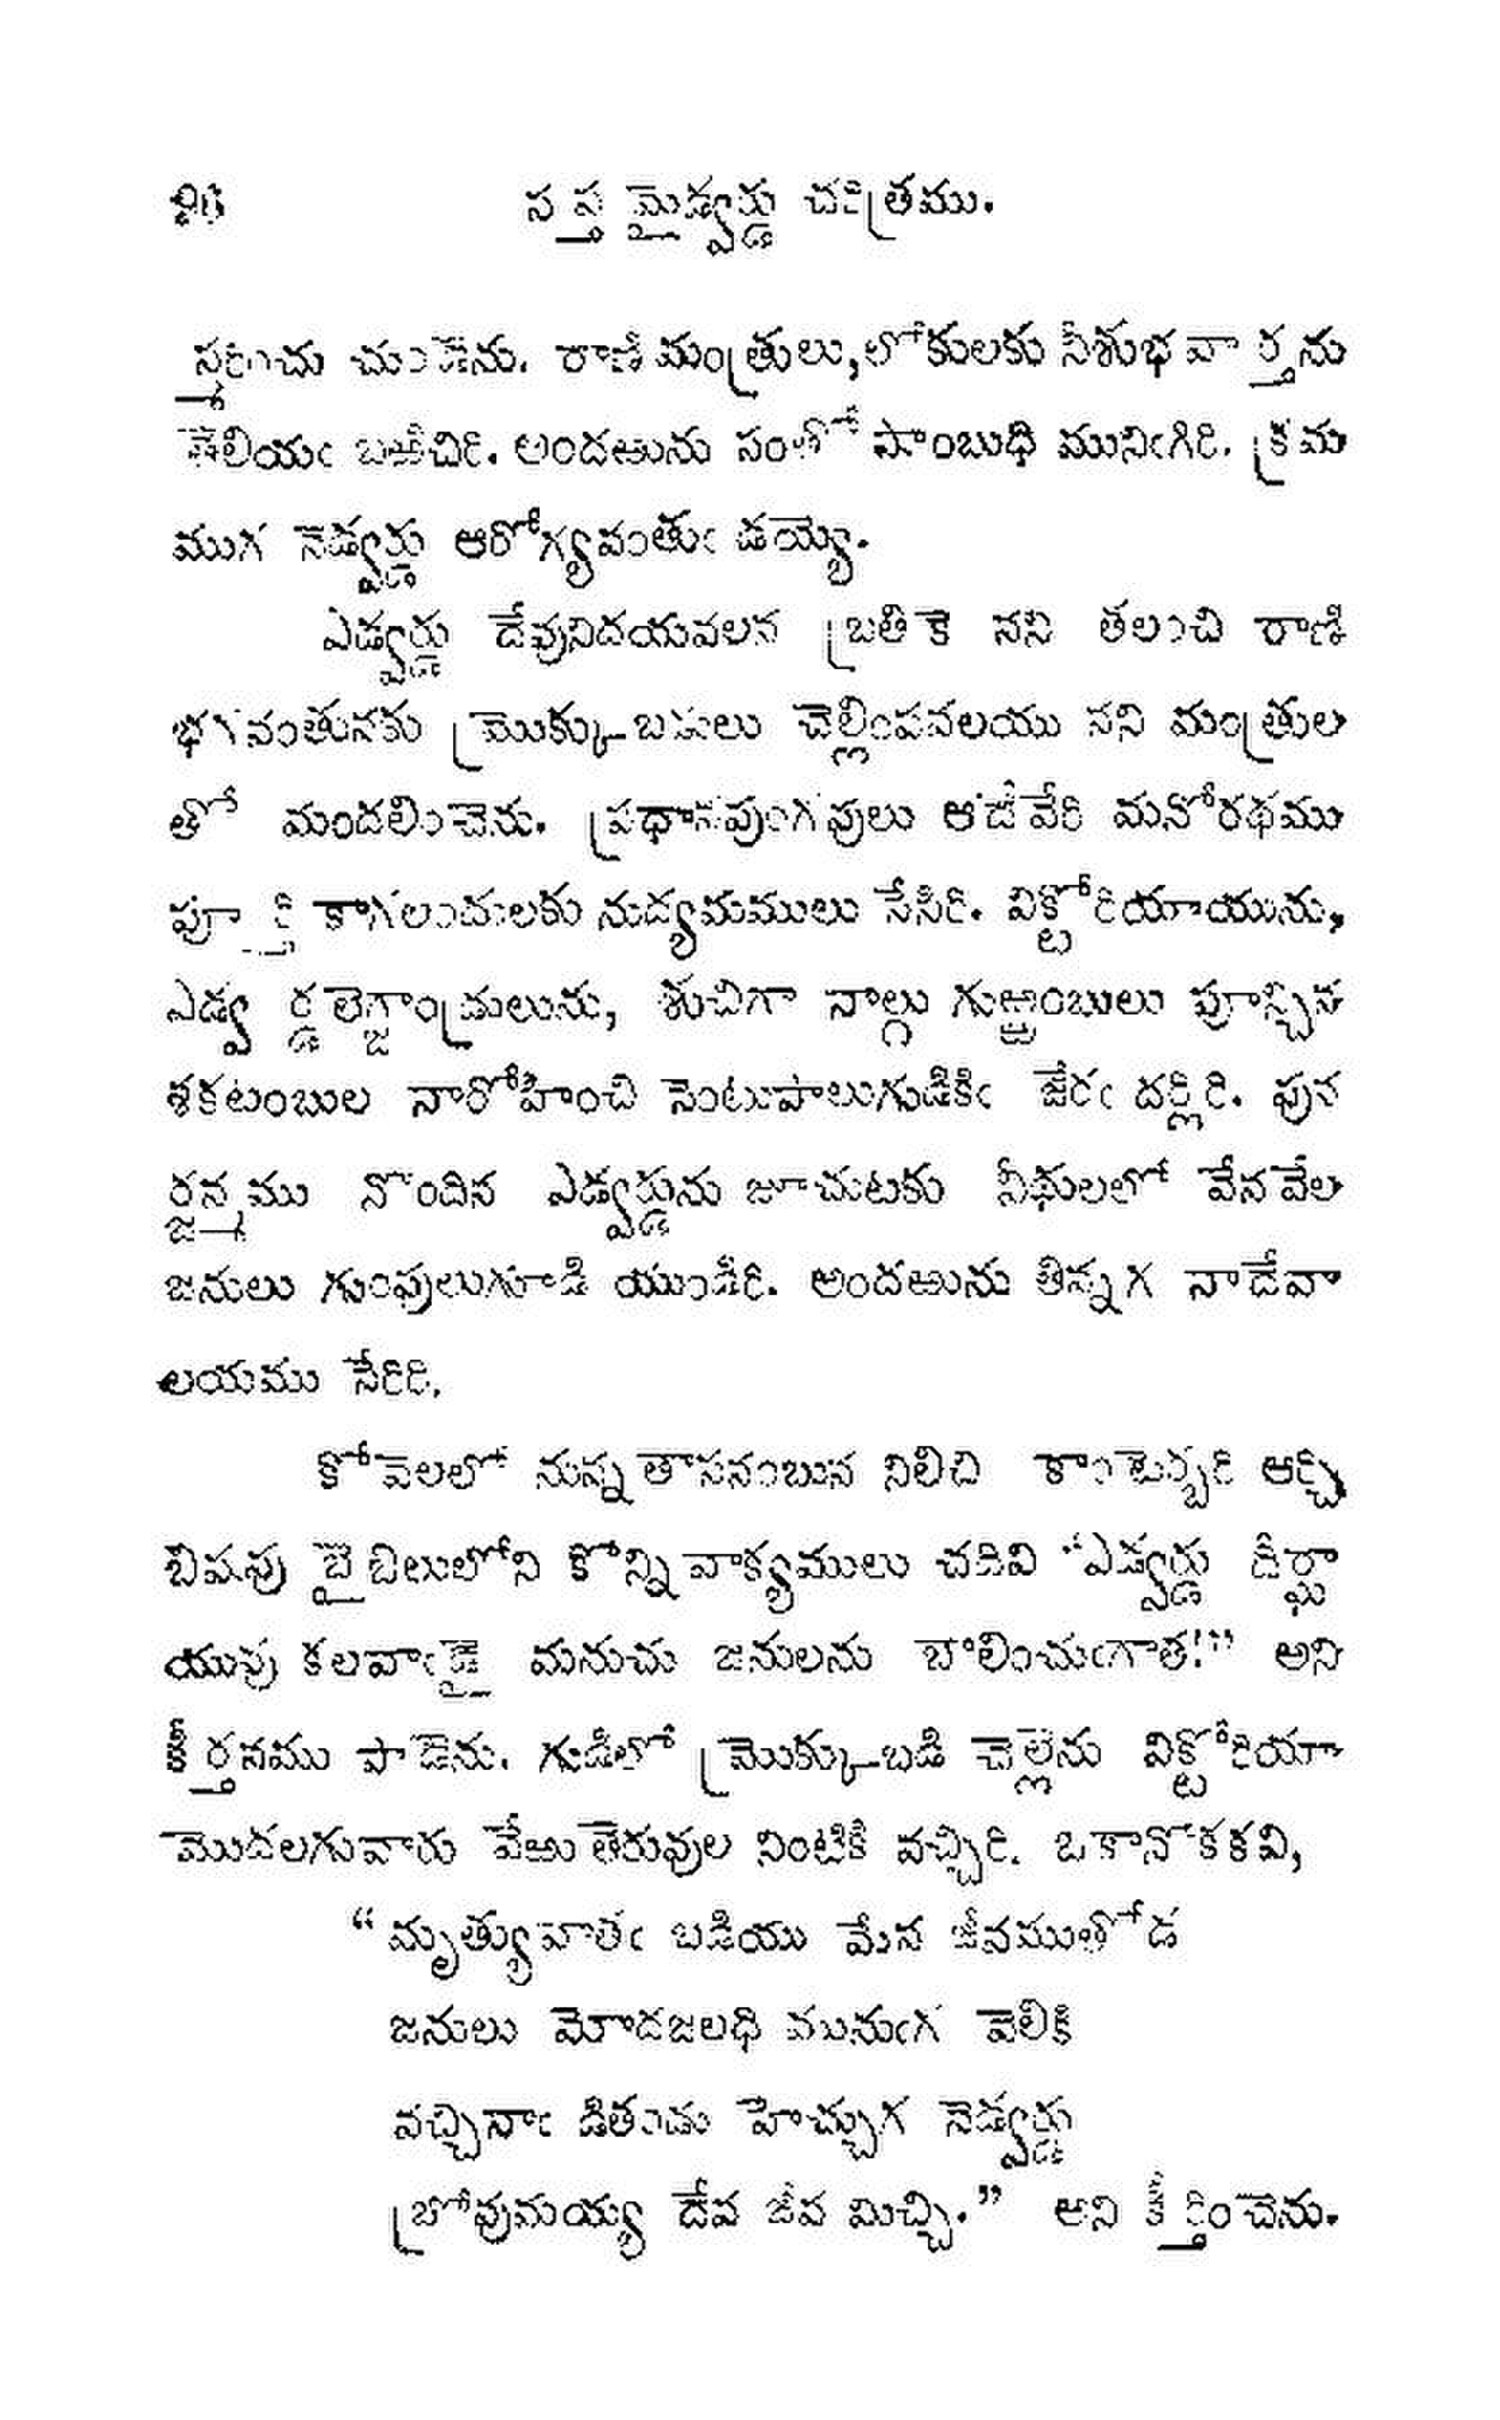స్మరించు చుండెను. రాణీ మంత్రులు, లోకులకు నీశుభవార్తను తెలియఁ బఱచి. అందరును సంతోషాంబుధి మునిఁగిరి. క్రమముగ నెడ్వెర్డు ఆరోగ్యవంతుఁ డయ్యె.

ఎడ్వర్డు దేవుని దయవలన బ్రతికె నని తలచి రాణి భగవంతునకు మ్రొక్కు బడులు చెల్లింపవలయు నని మంత్రులతో మందలించెను. ప్రధాన పుంగపులు ఆదేవేరి మనోరథము
పూర్తి కాగలందులకు నుద్యమములు సేసిరి. విక్టోరియాయును, ఎడ్వ డ్డలెగ్జాండ్రులును, శుచిగా నాల్గు గుర్రంబులు పూనిన శకటంబుల నారోహించి సెంటు పాలు గుడికిఁ జేరఁ దర్లిరి. పున
ర్జన్మము నొందిన ఎడ్వర్డును జూచుటకు నీథులలో 'వేన వేలజనులు గుంపులుగూడి యుండిరి. అందఱును తిన్నగ నాదేవాలయము సేరిరి.

కోవెలలో నున్న తాసనంబున నిలిచి కాంటెర్బరి ఆర్చిబిషపు బైబిలులోని కొన్ని వాక్యములు చదివి "ఎడ్వర్డు దీర్ఘాయువు కలవాడై మనుచు జనులను బాలించుఁగాత! " అని
కీర్తనము పాడెను. గుడిలో మొక్కుబడి చెల్లెను విక్టోరియామొదలగువారు వేరు తెరువుల నింటికి వచ్చిరి. ఒకానొక కవి,

" మృత్యువాతఁ బడియు మేన జీవముతోడ
జనులు మోద జలధి మునుఁగి వెలికి
వచ్చినాఁ డితుడు హెచ్చుగ నెడ్వర్డు
బ్రోవుమయ్య దేవ జీవ మిచ్చి.” అని కీర్తించెను.